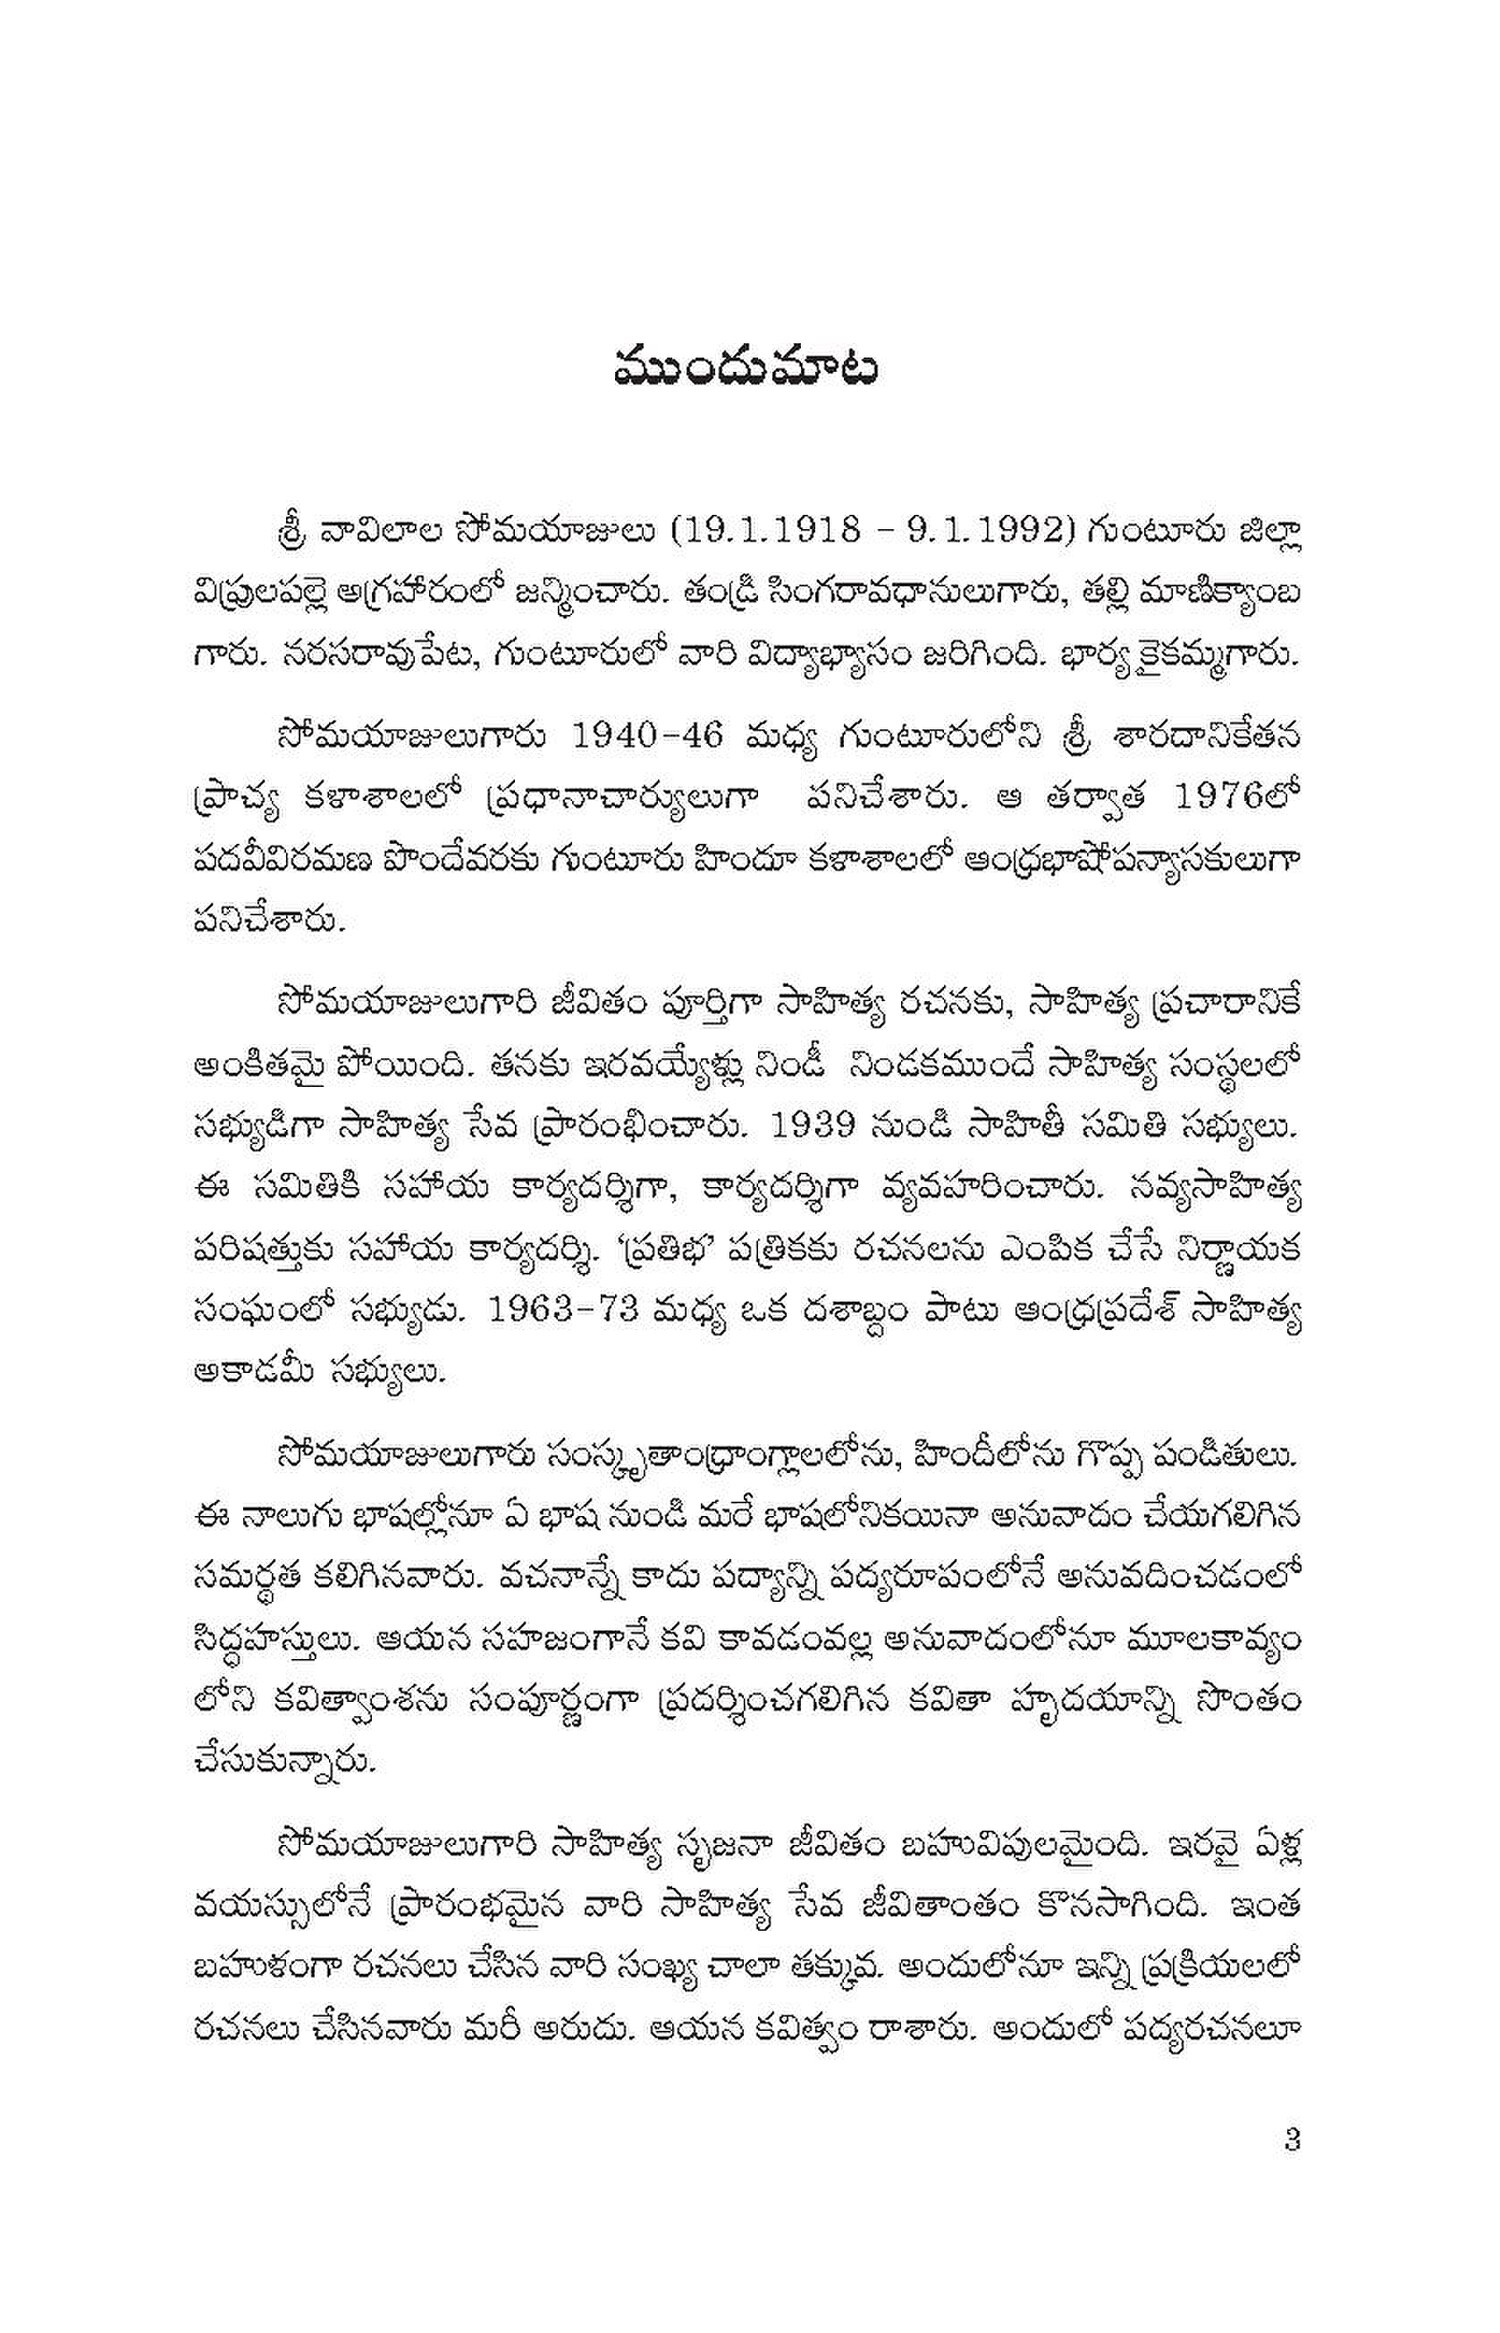ముందుమాట

శ్రీ వావిలాల సోమయాజులు (19.1.1918 - 9.1.1992) గుంటూరు జిల్లా
విప్రులపల్లె అగ్రహారంలో జన్మించారు. తండ్రి సింగరావధానులుగారు, తల్లి మాణిక్యాంబ
గారు. నరసరావుపేట, గుంటూరులో వారి విద్యాభ్యాసం జరిగింది. భార్య కైకమ్మగారు.
సోమయాజులుగారు 1940-46 మధ్య గుంటూరులోని శ్రీ శారదానికేతన
ప్రాచ్య కళాశాలలో ప్రధానాచార్యులుగా పనిచేశారు. ఆ తర్వాత 1976లో
పదవీవిరమణ పొందేవరకు గుంటూరు హిందూ కళాశాలలో ఆంధ్రభాషోపన్యాసకులుగా
పనిచేశారు.

సోమయాజులుగారి జీవితం పూర్తిగా సాహిత్య రచనకు, సాహిత్య ప్రచారానికే
అంకితమై పోయింది. తనకు ఇరవయ్యేళ్లు నిండీ నిండకముందే సాహిత్య సంస్థలలో
సభ్యుడిగా సాహిత్య సేవ ప్రారంభించారు. 1939 నుండి సాహితీ సమితి సభ్యులు.
ఈ సమితికి సహాయ కార్యదర్శిగా, కార్యదర్శిగా వ్యవహరించారు. నవ్యసాహిత్య
పరిషత్తుకు సహాయ కార్యదర్శి. 'ప్రతిభ' పత్రికకు రచనలను ఎంపిక చేసే నిర్ణాయక
సంఘంలో సభ్యుడు. 1963-73 మధ్య ఒక దశాబ్దం పాటు ఆంధ్రప్రదేశ్ సాహిత్య
అకాడమీ సభ్యులు.

సోమయాజులుగారు సంస్కృతాంధ్రాంగ్లాలలోను, హిందీలోను గొప్ప పండితులు.
ఈ నాలుగు భాషల్లోనూ ఏ భాష నుండి మరే భాషలోనికయినా అనువాదం చేయగలిగిన
సమర్థత కలిగినవారు. వచనాన్నే కాదు పద్యాన్ని పద్యరూపంలోనే అనువదించడంలో
సిద్దహస్తులు. ఆయన సహజంగానే కవి కావడంవల్ల అనువాదంలోనూ మూలకావ్యం
లోని కవిత్వాంశను సంపూర్ణంగా ప్రదర్శించగలిగిన కవితా హృదయాన్ని సొంతం
చేసుకున్నారు.

సోమయాజులుగారి సాహిత్య సృజనా జీవితం బహువిపులమైంది. ఇరవై ఏళ్ల
వయస్సులోనే ప్రారంభమైన వారి సాహిత్య సేవ జీవితాంతం కొనసాగింది. ఇంత
బహుళంగా రచనలు చేసిన వారి సంఖ్య చాలా తక్కువ. అందులోనూ ఇన్ని ప్రక్రియలలో
రచనలు చేసినవారు మరీ అరుదు. ఆయన కవిత్వం రాశారు. అందులో పద్యరచనలూ